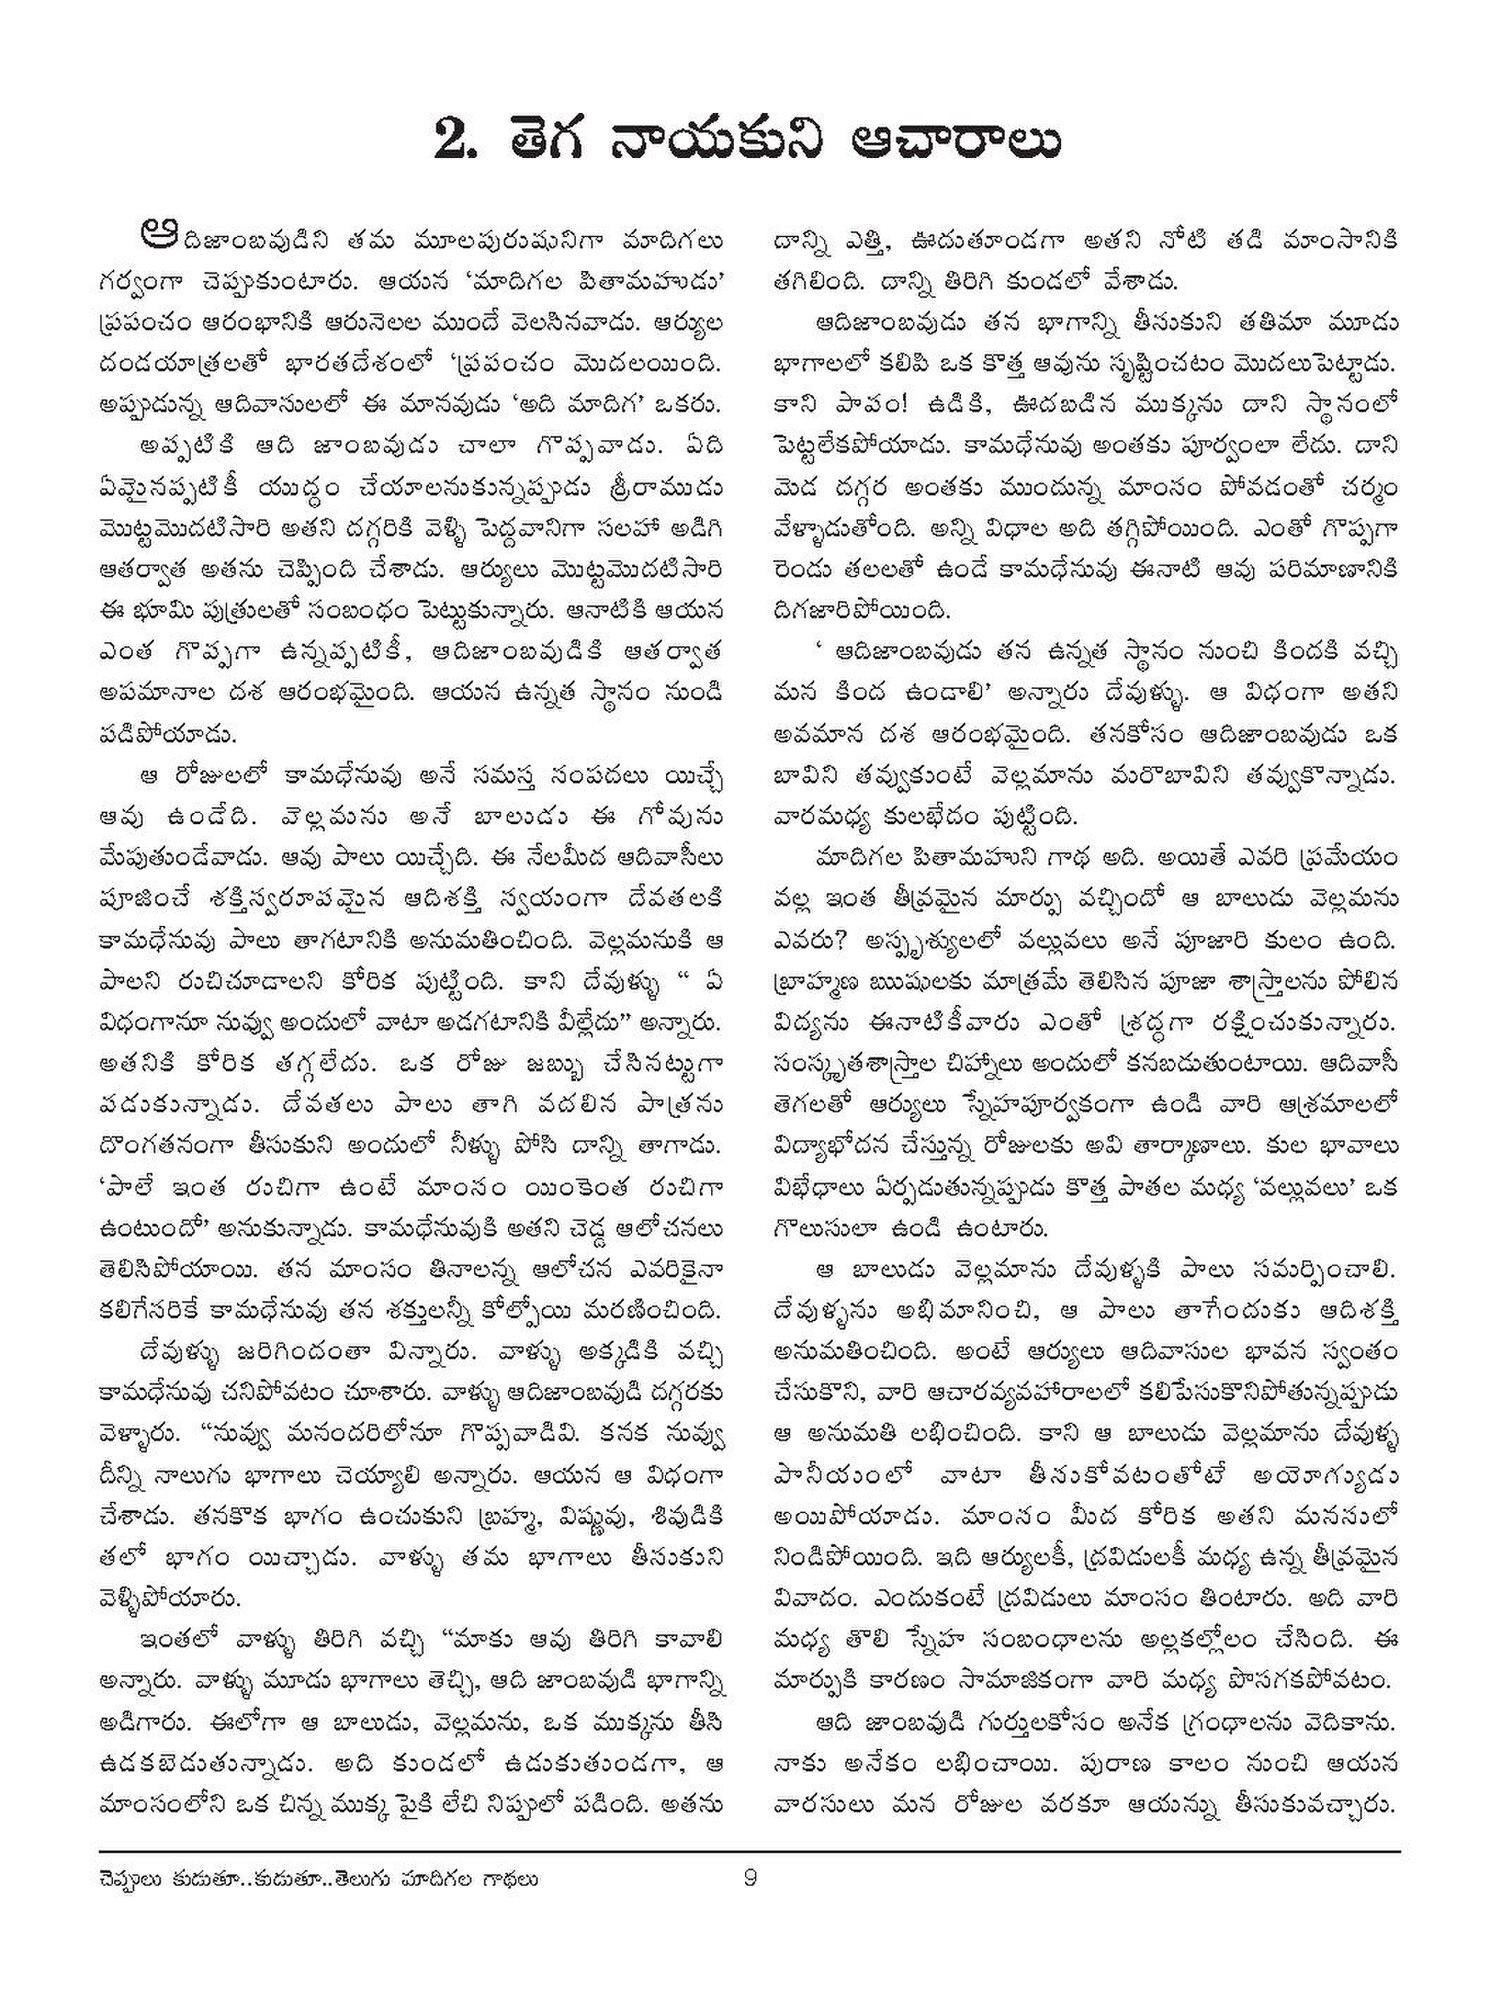2. తెగ నాయకుని ఆచారాలు

దిజాంబవుడిని తమ మూలపురుషునిగా మాదిగలు గర్వంగా చెప్పుకుంటారు. ఆయన 'మాదిగల పితామహుడు' ప్రపంచం ఆరంభానికి ఆరునెలల ముందే వెలసినవాడు. ఆర్యుల
దండయాత్రలతో భారతదేశంలో 'ప్రపంచం మొదలయింది. అప్పుడున్న ఆదివాసులలో ఈ మానవుడు 'అది మాదిగ' ఒకరు.

అప్పటికి ఆది జాంబవుడు చాలా గొప్పవాడు. ఏది ఏమైనప్పటికీ యుద్ధం చేయాలనుకున్నప్పుడు శ్రీరాముడు
మొట్టమొదటిసారి అతని దగ్గరికి వెళ్ళి పెద్దవానిగా సలహా అడిగి ఆతర్వాత అతను చెప్పింది చేశాడు. ఆర్యులు మొట్టమొదటిసారి ఈ భూమి పుత్రులతో సంబంధం పెట్టుకున్నారు. ఆనాటికి ఆయన ఎంత గొప్పగా ఉన్నప్పటికీ, ఆదిజాంబవుడికి ఆతర్వాత అవమానాల దశ ఆరంభమైంది. ఆయన ఉన్నత స్థానం నుండి పడిపోయాడు.

ఆ రోజులలో కామధేనువు అనే సమస్త సంపదలు యిచ్చే ఆవు ఉండేది. వెల్లమను అనే బాలుడు ఈ గోవును మేపుతుండేవాడు. ఆవు పాలు యిచ్చేది. ఈ నేలమీద ఆదివాసీలు పూజించే శక్తిస్వరూపమైన ఆదిశక్తి స్వయంగా దేవతలకి కామధేనువు పాలు తాగటానికి అనుమతించింది. వెల్లమనుకి ఆ పాలని రుచిచూడాలని కోరిక పుట్టింది. కాని దేవుళ్ళు " ఏవిధంగానూ నువ్వు అందులో వాటా అడగటానికి వీల్లేదు” అన్నారు. అతనికి కోరిక తగ్గలేదు. ఒక రోజు జబ్బు చేసినట్టుగా పడుకున్నాడు. దేవతలు పాలు తాగి వదలిన పాత్రను దొంగతనంగా తీసుకుని అందులో నీళ్ళు పోసి దాన్ని తాగాడు. 'పాలే ఇంత రుచిగా ఉంటే మాంసం యింకెంత రుచిగా ఉంటుందో” అనుకున్నాడు. కామధేనువుకి అతని చెడ్డ ఆలోచనలు తెలిసిపోయాయి. తన మాంసం తినాలన్న ఆలోచన ఎవరికైనా కలిగేసరికే కామధేనువు తన శక్తులన్నీ కోల్పోయి మరణించింది.

దేవుళ్ళు జరిగిందంతా విన్నారు. వాళ్ళు అక్కడికి వచ్చి కామధేనువు చనిపోవటం చూశారు. వాళ్ళు ఆదిజాంబవుడి దగ్గరకు వెళ్ళారు. "నువ్వు మనందరిలోనూ గొప్పవాడివి. కనక నువ్వు దీన్ని నాలుగు భాగాలు చెయ్యాలి అన్నారు. ఆయన ఆ విధంగా చేశాడు. తనకొక భాగం ఉంచుకుని బ్రహ్మ, విష్ణువు, శివుడికి తలో భాగం యిచ్చాడు. వాళ్ళు తమ భాగాలు తీసుకుని వెళ్ళిపోయారు.

ఇంతలో వాళ్ళు తిరిగి వచ్చి “మాకు ఆవు తిరిగి కావాలి అన్నారు. వాళ్ళు మూడు భాగాలు తెచ్చి, ఆది జాంబవుడి భాగాన్ని అడిగారు. ఈలోగా ఆ బాలుడు, వెల్లమను, ఒక ముక్కను తీసి ఉడకబెడుతున్నాడు. అది కుండలో ఉడుకుతుండగా, ఆ మాంసంలోని ఒక చిన్న ముక్క పైకి లేచి నిప్పులో పడింది. అతను దాన్ని ఎత్తి, ఊదుతూండగా అతని నోటి తడి మాంసానికి తగిలింది. దాన్ని తిరిగి కుండలో వేశాడు.

ఆదిజాంబవుడు తన భాగాన్ని తీసుకుని తతిమా మూడు భాగాలలో కలిపి ఒక కొత్త ఆవును సృష్టించటం మొదలుపెట్టాడు. కాని పాపం! ఉడికి, ఊదబడిన ముక్కను దాని స్థానంలో పెట్టలేకపోయాడు. కామధేనువు అంతకు పూర్వంలా లేదు. దాని మెడ దగ్గర అంతకు ముందున్న మాంసం పోవడంతో చర్మం వేళ్ళాడుతోంది. అన్ని విధాల అది తగ్గిపోయింది. ఎంతో గొప్పగా రెండు తలలతో ఉండే కామధేనువు ఈనాటి ఆవు పరిమాణానికి దిగజారిపోయింది.

'ఆదిజాంబవుడు తన ఉన్నత స్థానం నుంచి కిందకి వచ్చి మన కింద ఉండాలి' అన్నారు దేవుళ్ళు. ఆ విధంగా అతని అవమాన దశ ఆరంభమైంది. తనకోసం ఆదిజాంబవుడు ఒక బావిని తవ్వుకుంటే వెల్లమాను మరొబావిని తవ్వుకొన్నాడు. వారమధ్య కులభేదం పుట్టింది.

మాదిగల పితామహుని గాథ అది. అయితే ఎవరి ప్రమేయం వల్ల ఇంత తీవ్రమైన మార్పు వచ్చిందో ఆ బాలుడు వెల్లమను ఎవరు? అస్పృశ్యులలో వల్లువలు అనే పూజారి కులం ఉంది. బ్రాహ్మణ ఋషులకు మాత్రమే తెలిసిన పూజా శాస్త్రాలను పోలిన విద్యను ఈనాటికీ వారు ఎంతో శ్రద్ధగా రక్షించుకున్నారు.
సంస్కృతశాస్త్రాల చిహ్నాలు అందులో కనబడుతుంటాయి. ఆదివాసీ తెగలతో ఆర్యులు స్నేహపూర్వకంగా ఉండి వారి ఆశ్రమాలలో విద్యాభోదన చేస్తున్న రోజులకు అవి తార్కాణాలు. కుల భావాలు విభేధాలు ఏర్పడుతున్నప్పుడు కొత్త పాతల మధ్య 'వల్లువలు' ఒక గొలుసులా ఉండి ఉంటారు.

ఆ బాలుడు వెల్లమాను దేవుళ్ళకి పాలు సమర్పించాలి. దేవుళ్ళను అభిమానించి, ఆ పాలు తాగేందుకు ఆదిశక్తి అనుమతించింది. అంటే ఆర్యులు ఆదివాసుల భావన స్వంతం చేసుకొని, వారి ఆచారవ్యవహారాలలో కలిపేసుకొనిపోతున్నప్పుడు ఆ అనుమతి లభించింది. కాని ఆ బాలుడు వెల్లమాను దేవుళ్ళ పానీయంలో వాటా తీసుకోవటంతోటే అయోగ్యుడు అయిపోయాడు. మాంసం మీద కోరిక అతని మనసులో నిండిపోయింది. ఇది ఆర్యులకీ, ద్రవిడులకీ మధ్య ఉన్న తీవ్రమైన వివాదం. ఎందుకంటే ద్రవిడులు మాంసం తింటారు. అది వారి మధ్య తొలి స్నేహ సంబంధాలను అల్లకల్లోలం చేసింది. ఈ
మార్పుకి కారణం సామాజికంగా వారి మధ్య పొసగకపోవటం.

ఆది జాంబవుడి గుర్తులకోసం అనేక గ్రంధాలను వెదికాను. నాకు అనేకం లభించాయి. పురాణ కాలం నుంచి ఆయన వారసులు మన రోజుల వరకూ ఆయన్ను తీసుకువచ్చారు.